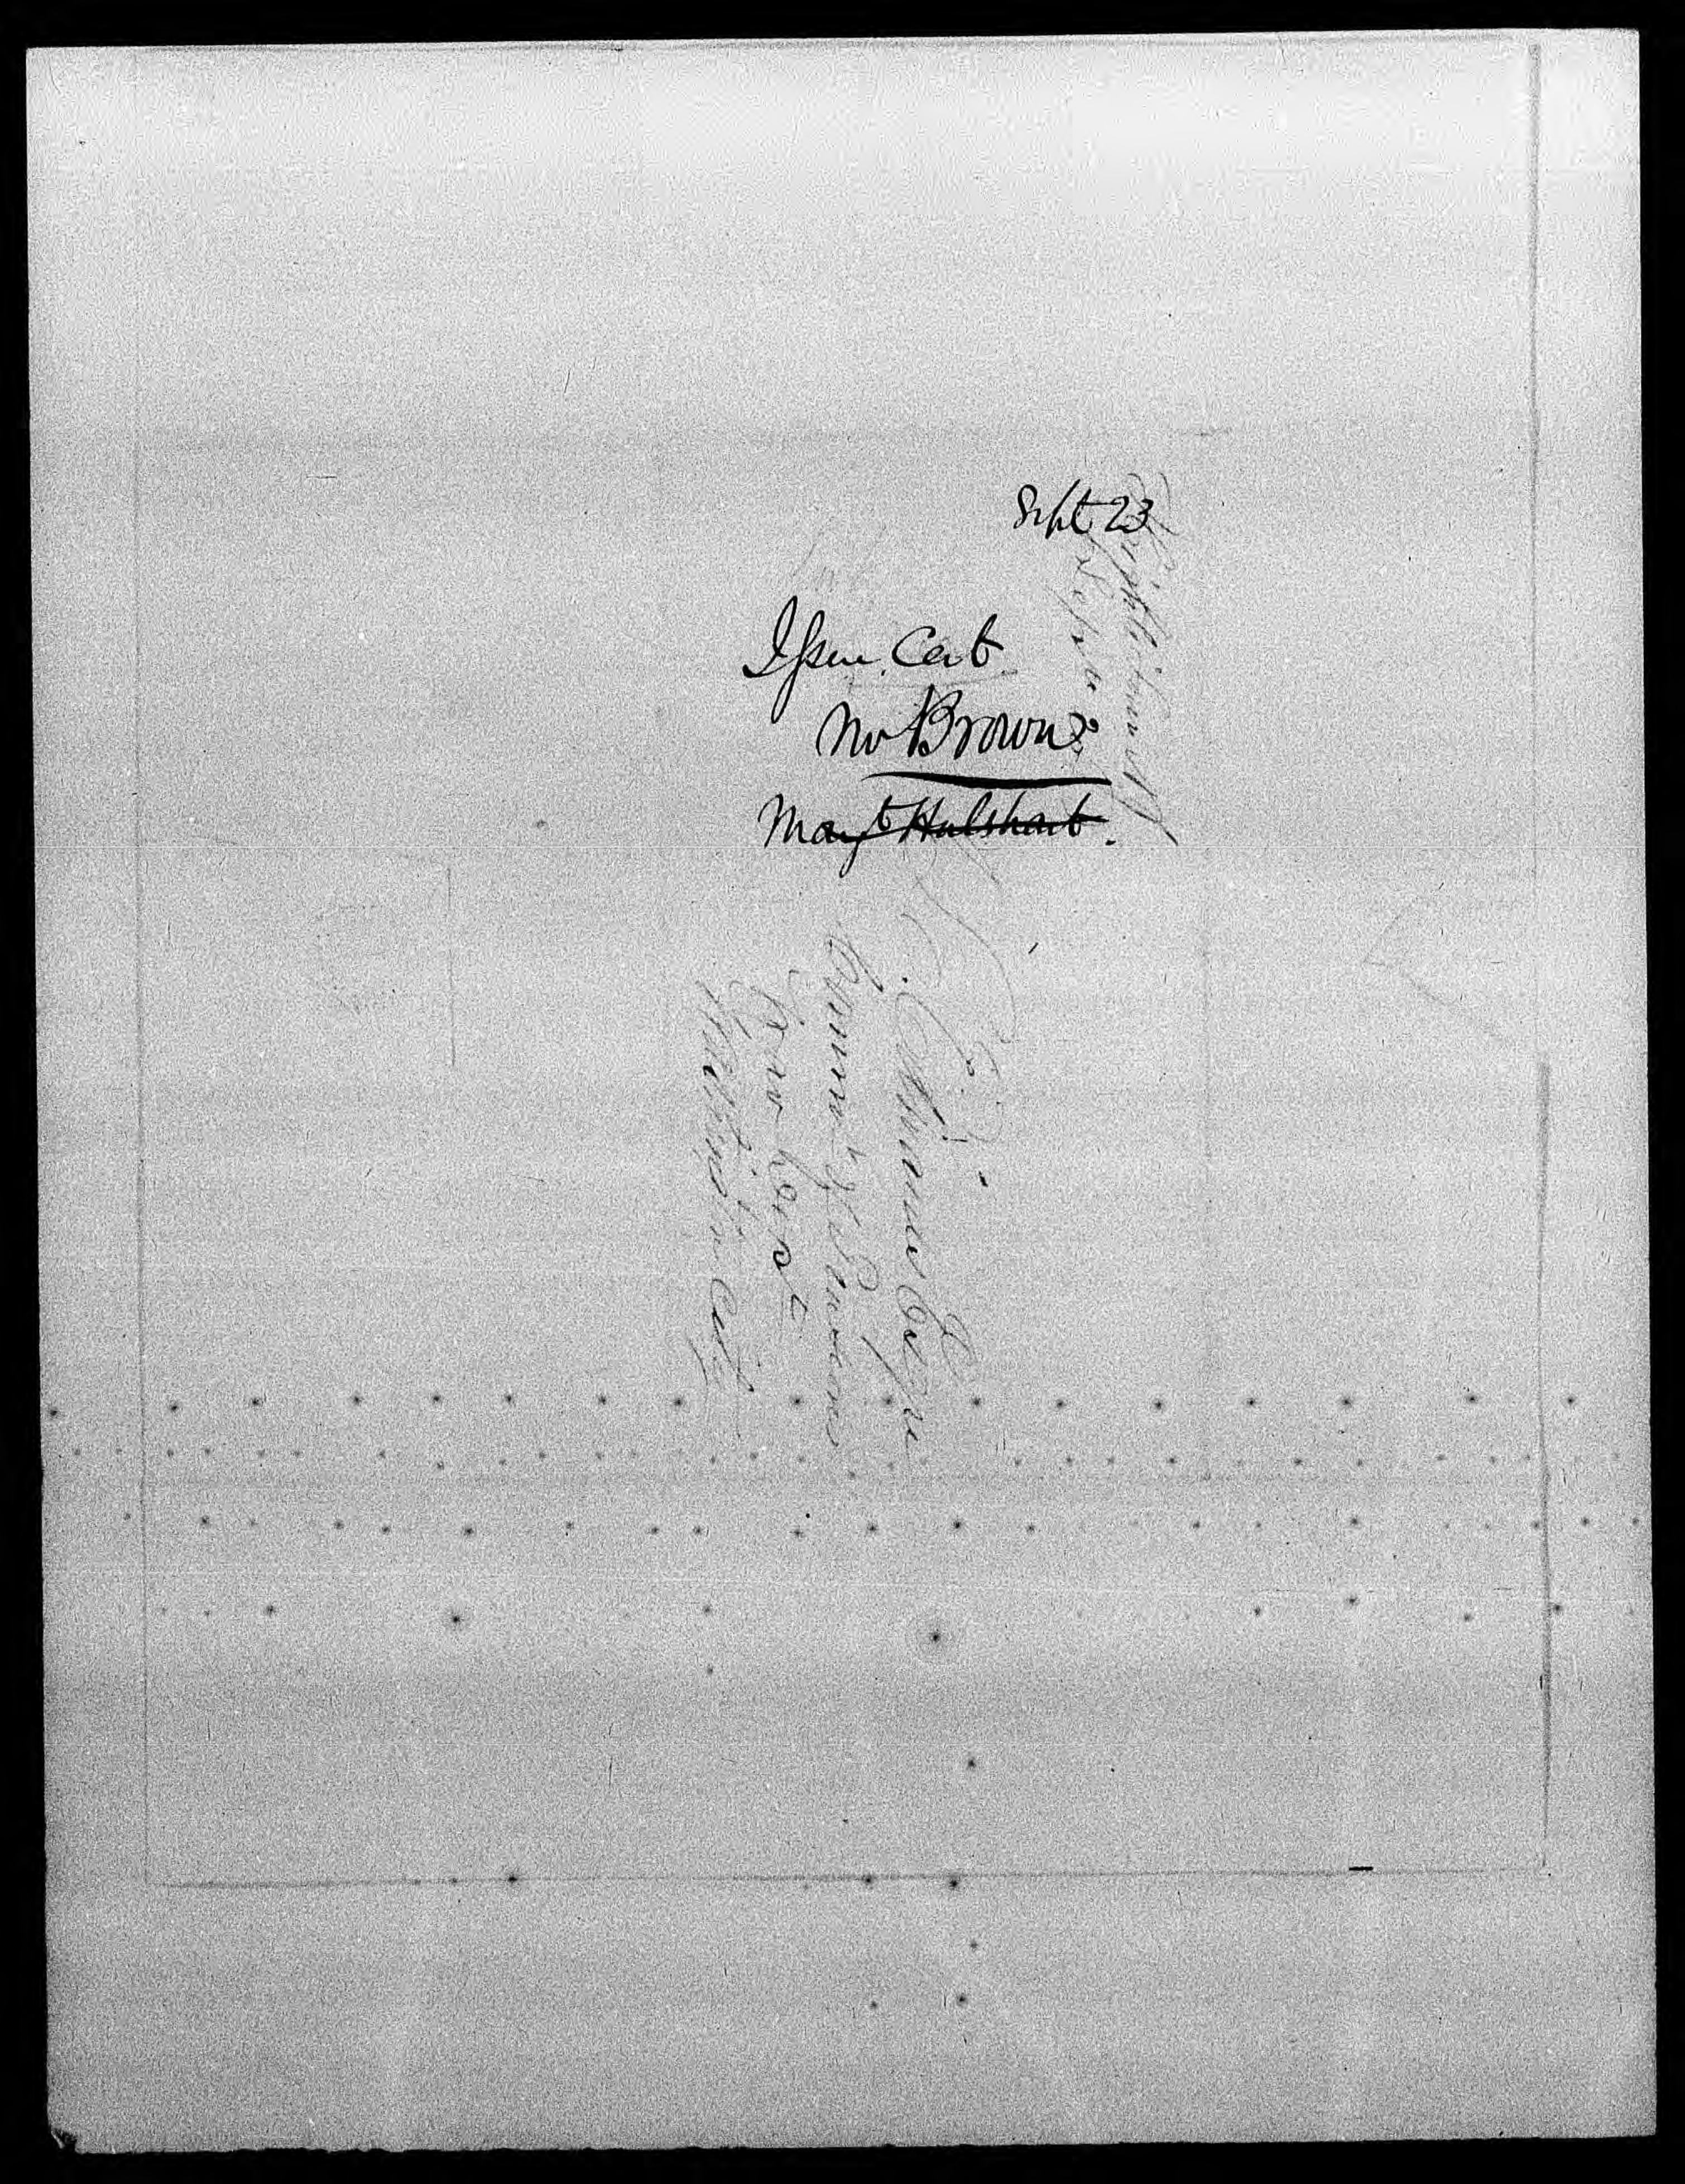Sept. 23

Issue Cert.
Mr. Brown
['Margt. Hulshart' crossed out]

Hightstown N.J.
Sept. 20

J.L. Edwards
Commr of Pensions
War Dept
Washington City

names: Margt Hulshart, J L Edwards, Brown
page: 24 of 34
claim: widow's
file: W. 940, John Hulshart, New Jersey